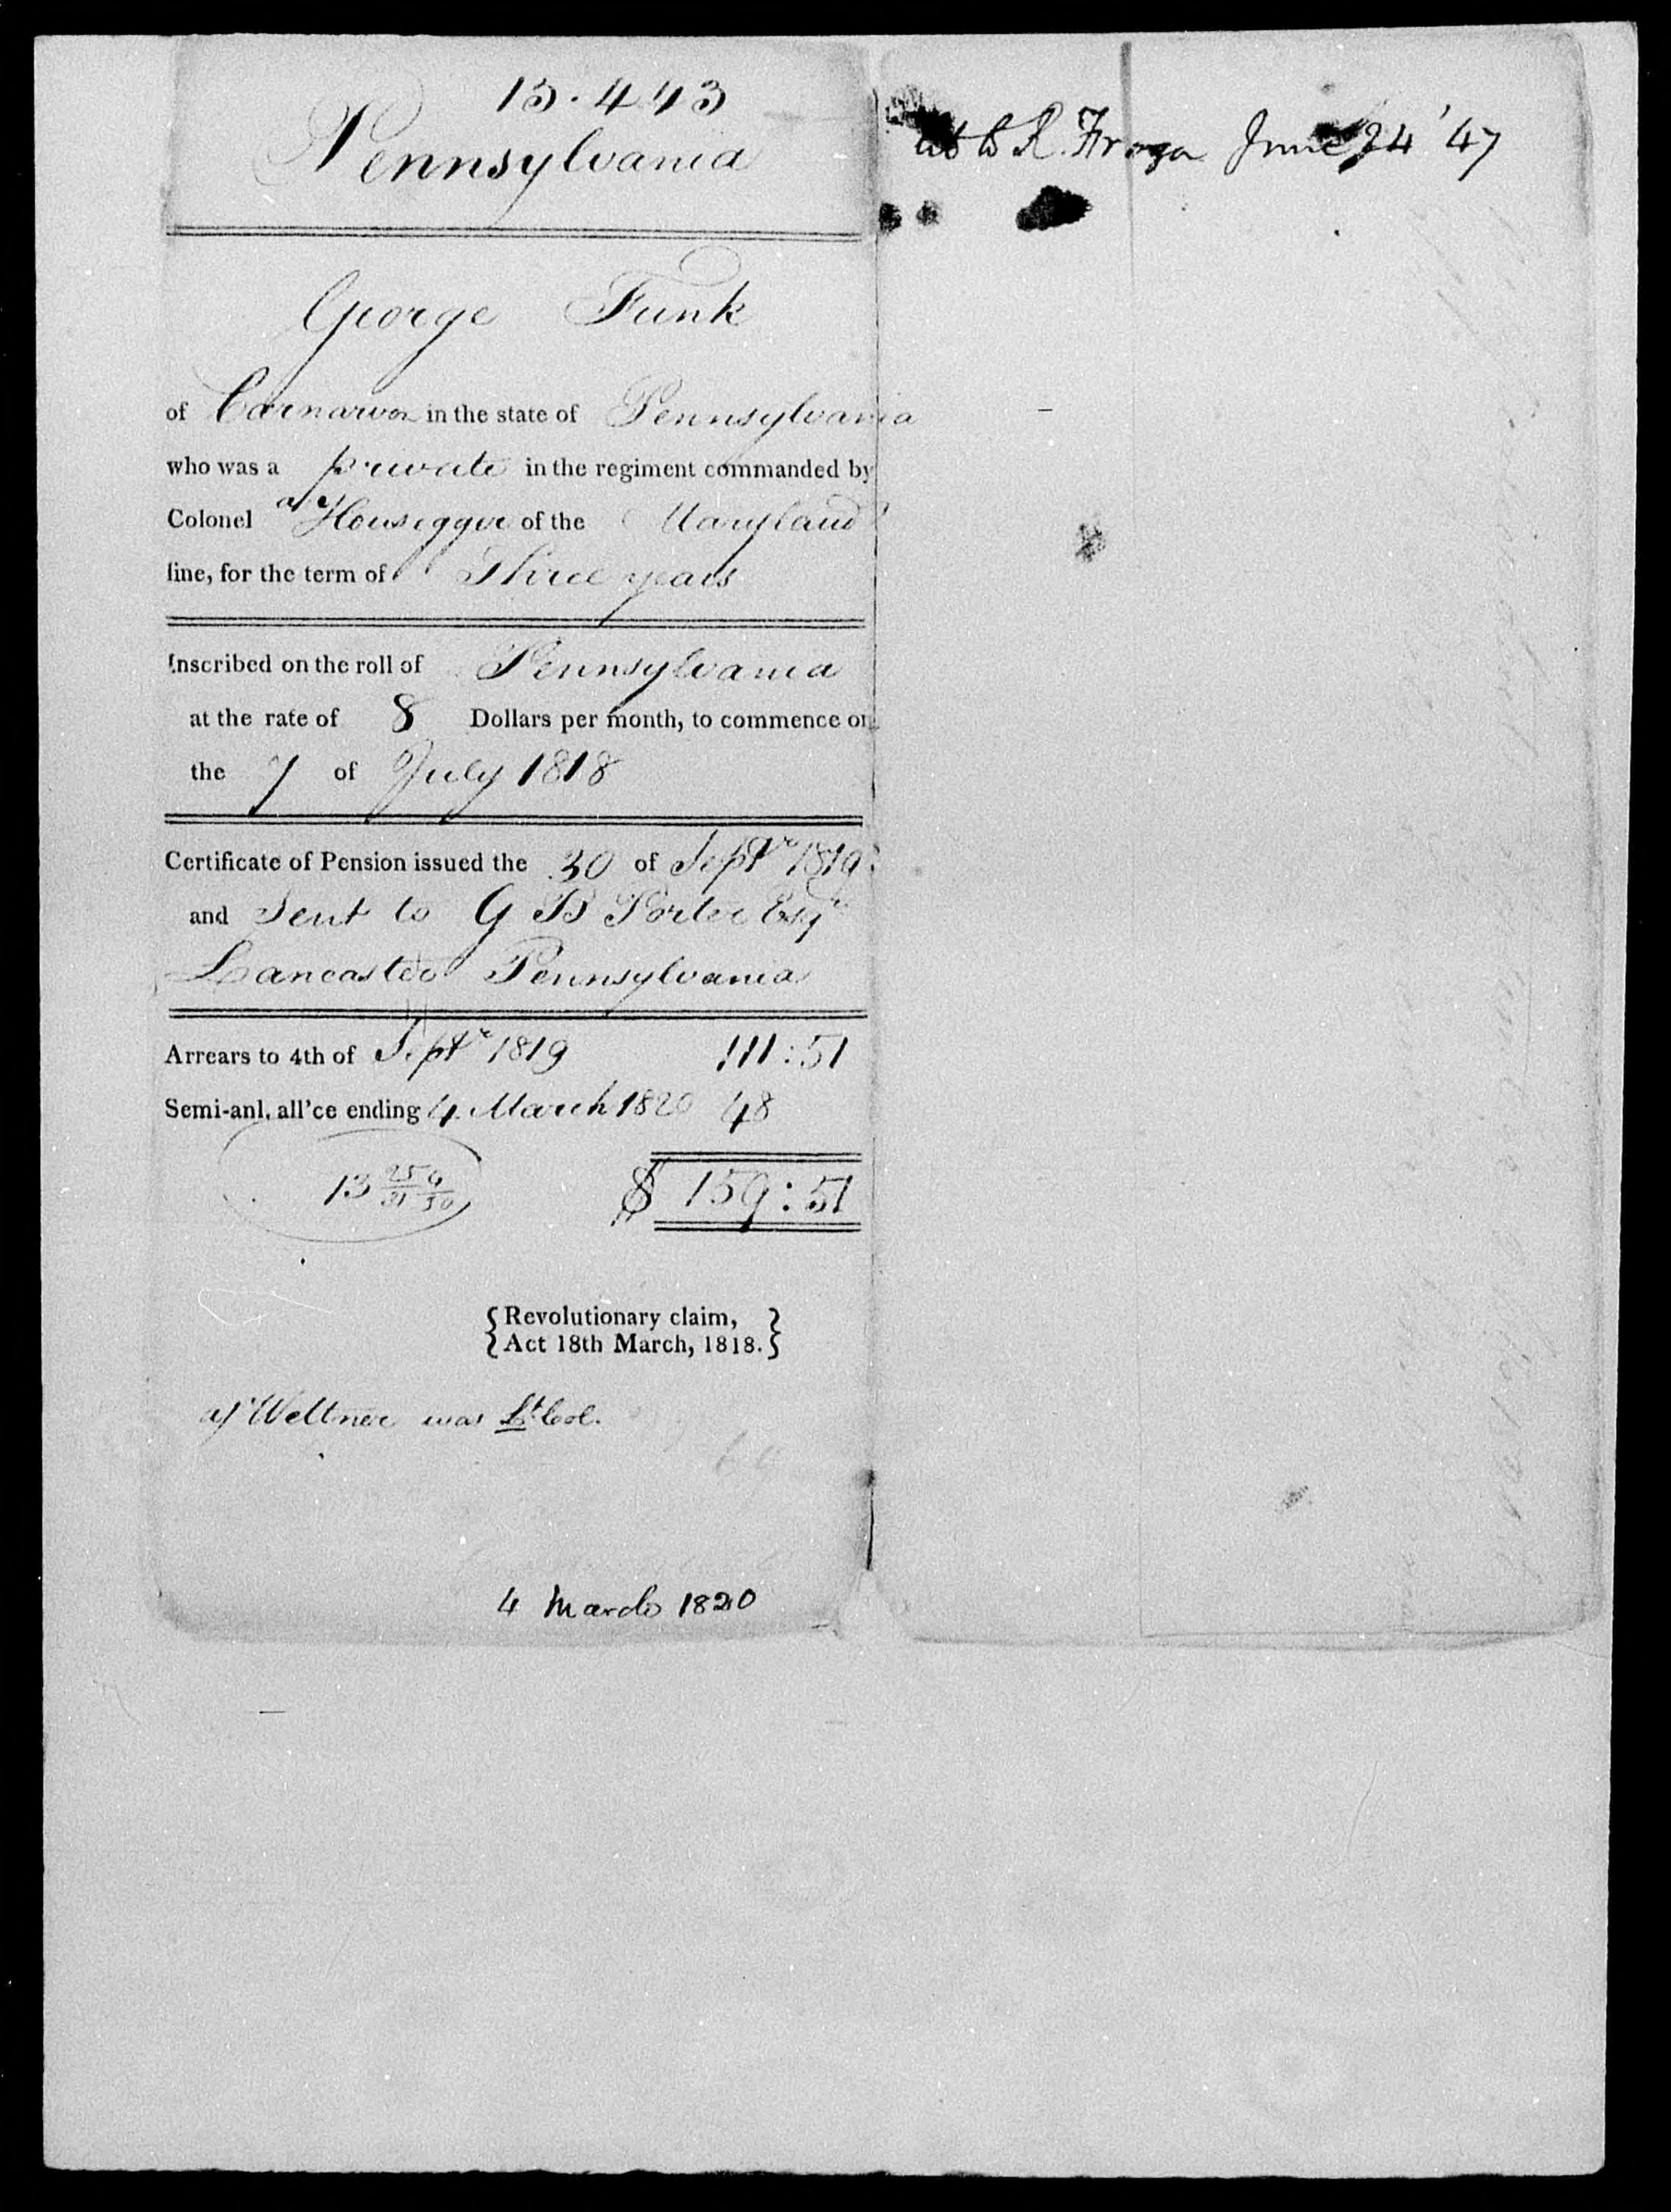15.443
Pennsylvania
George Funk of Carnarvon in the State of Pennsylvania who was a private in the regiment commanded by Colonel Houseggue of the Maryland line, for the term of three years.
Inscribed on the roll of Pennsylvania at the rate of 8 Dollars per month, to commence on the 7 of July 1818.
Certificate of Pension issued the 30 of Sept 1819 and sent to G B Porter Esq., Lancaster Pennsylvania.
Arrears to 4th of Sept 1819 $111.51
Semi-annual allowance ending 4 March 1820 $48
$159.51
{Revolutionary claim, Act 18th March, 1818.}
at Weltner was Lt. Col.
4 Mar 1820
History to R. Froger June 24, 1847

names: G B Porter, R Frozer, As Weltner, George Funk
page: 2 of 11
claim: survivor's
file: S. 41553, George Funk, Continental (German Regiment)